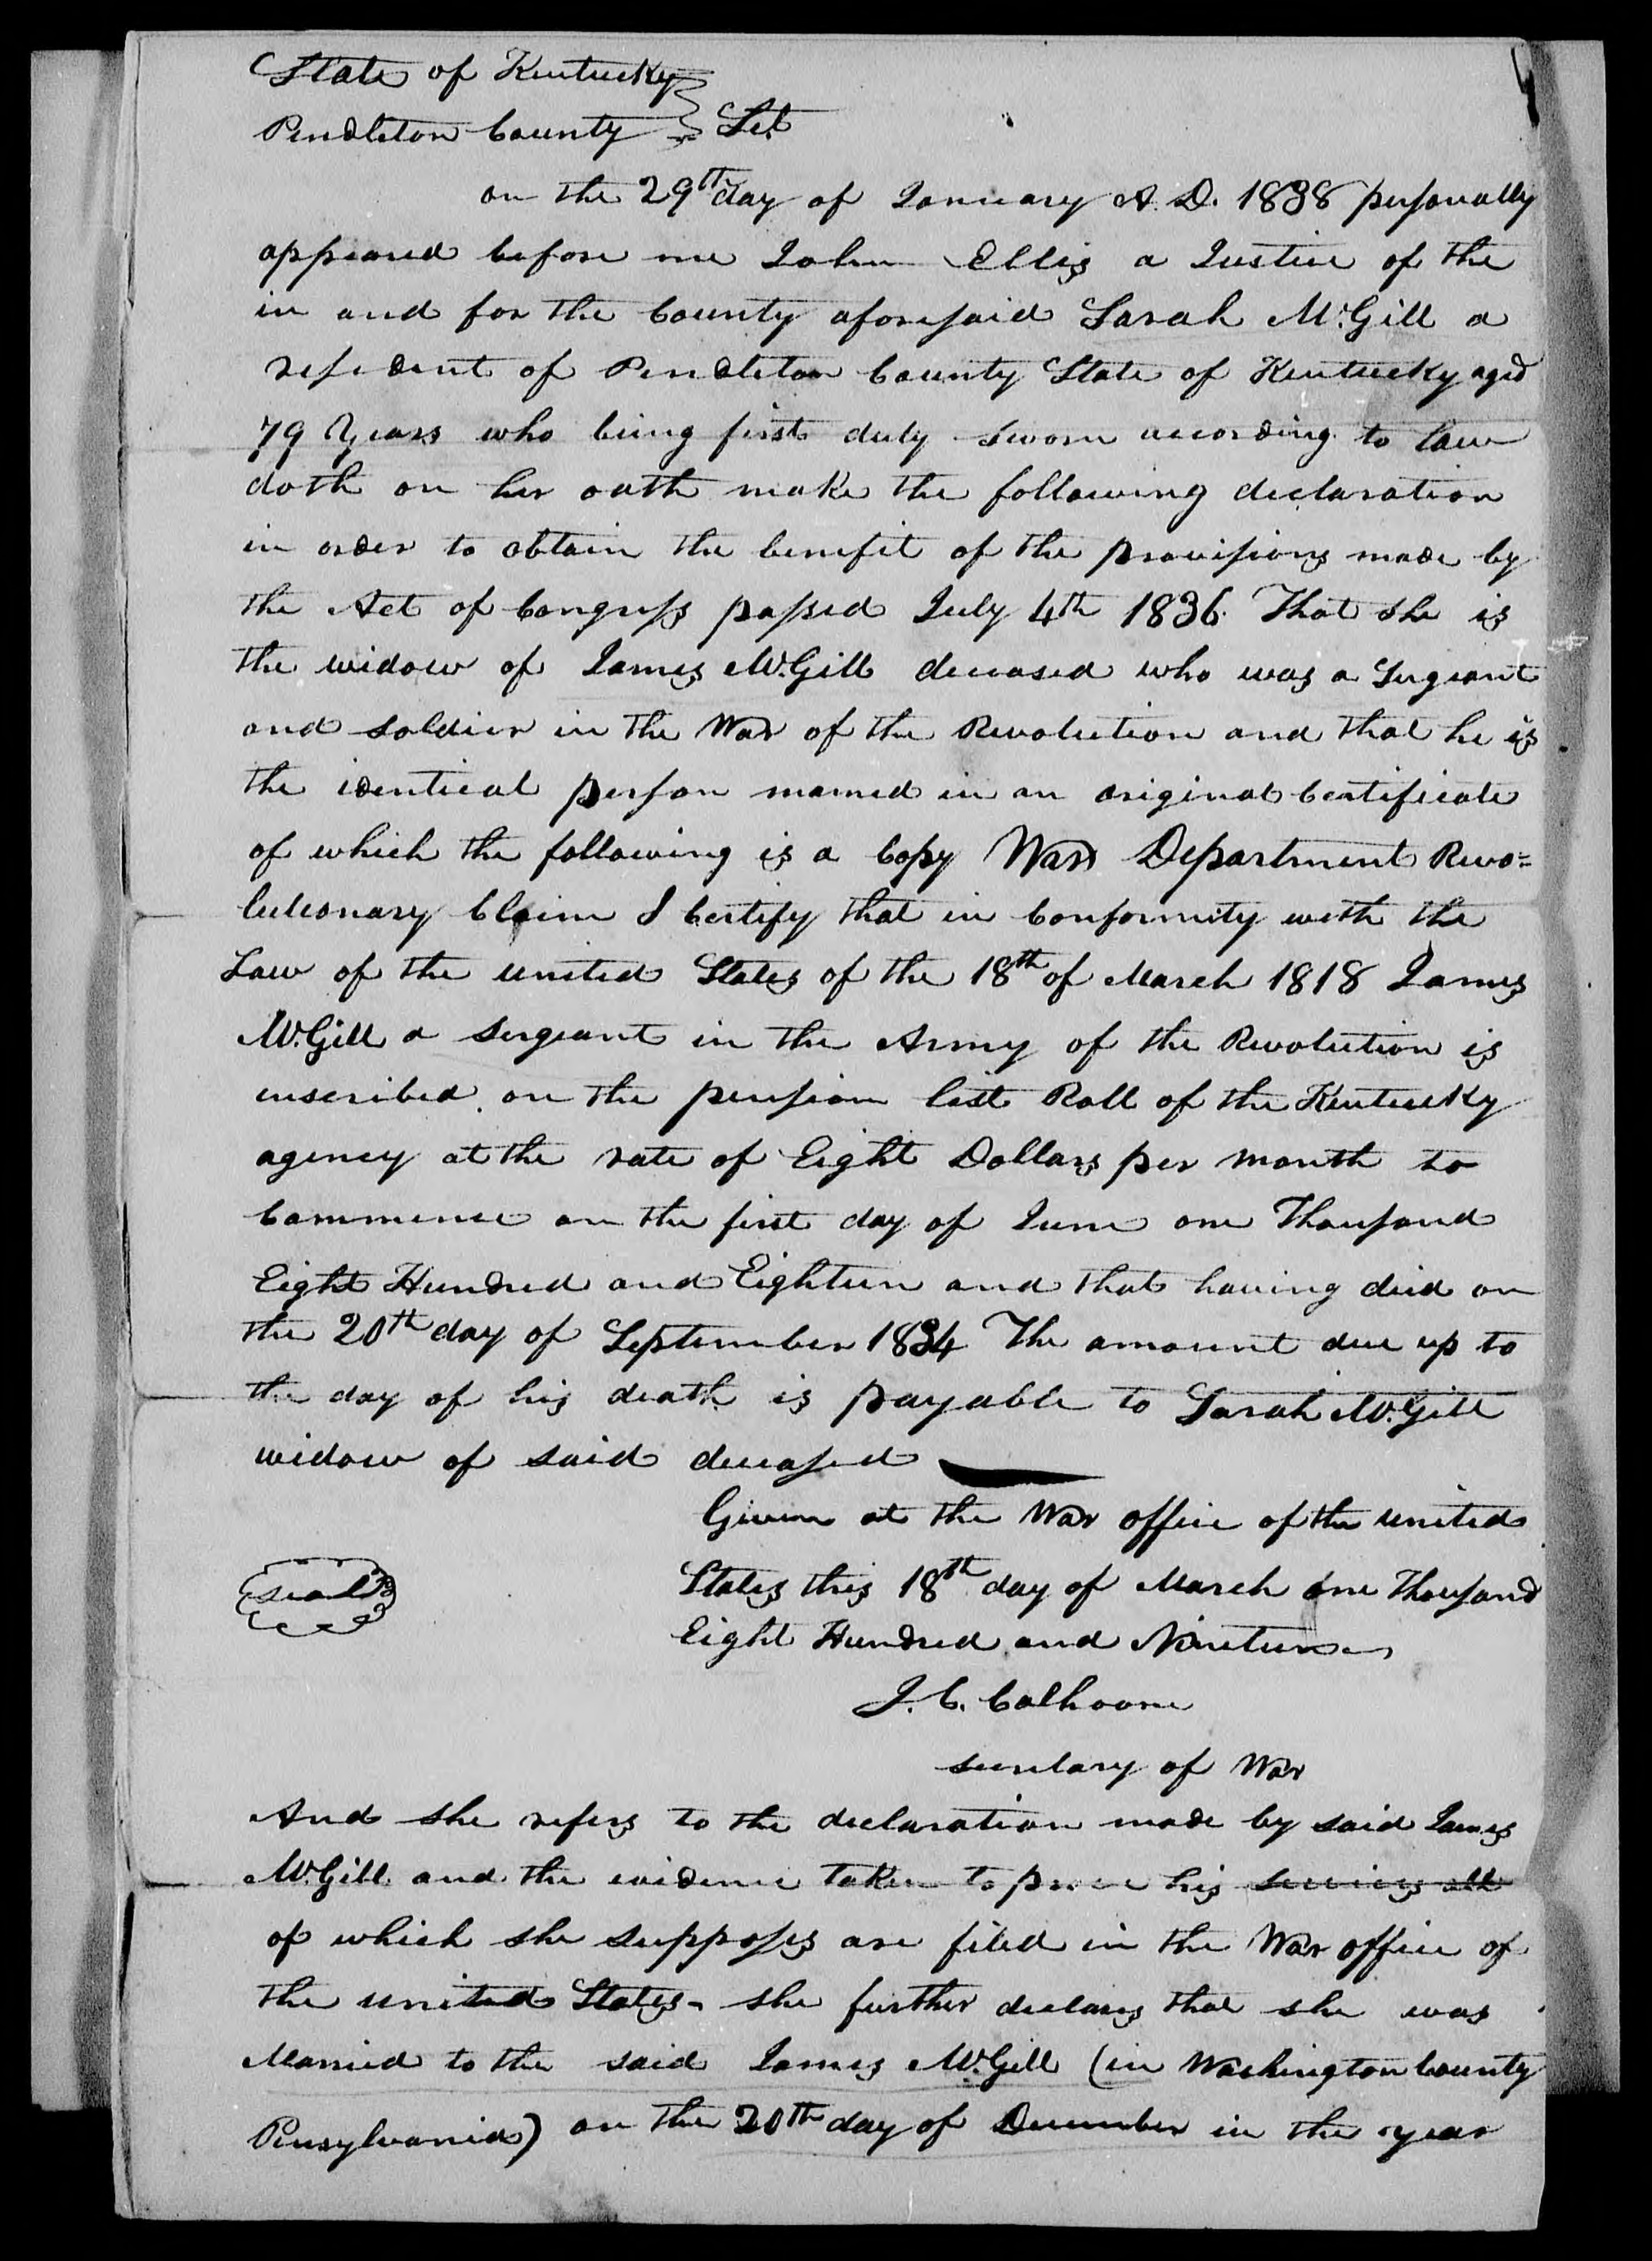Image 69  (# 4160873_00069)         
Fold3 File #23857236
[Continued from image 68]

State of Kentucky Pendleton County  Sct
On the 29th day of January A.D. 1838 personally appeared before me John Ellis a Justice of the [Peace] in and for the county aforesaid. Sarah McGill a resident of Pendleton County State of Kentucky, aged 79 years, who being first duly sworn according to law doth on her oath make the following declaration in order to obtain the benefit of the provisionary made by the Act of Congress passed July 4th 1836. That she is the widow of James McGill deceased who was a Sergeant and soldier in the War of the Revolution and that he is the identical person named in an original certificate of which the following is a copy  War Department Revolutionary Claim.  I certify that in conformity with the law of the United States of the 18th March 1818 James McGill a Sergeant in the Army of the Revolution is inscribed on the pension list roll of the Kentucky agency at the rate of Eight Dollars per month to commence on the first day of June one thousand eight hundred and eighteen and that having died on the 20th day of September 1834.  The amount due up to the time of his death is payable to Sarah McGill of said deceased. 

Given at the War office of the United States this 18th day of March one thousand eight hundred and nineteen. J. C. Calhoun Secretary of War [Seal]

And she refers to the declaration made by said James McGill and the evidence taken to prove his service all of which she supposes are filed in the War office of the United States. She further declares that she was married to the said James McGill (in Washington County Pennsylvania) on the 20th day of December in the year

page: 12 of 71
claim: widow's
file: W. 8428, for James Mc Gill, Pennsylvania